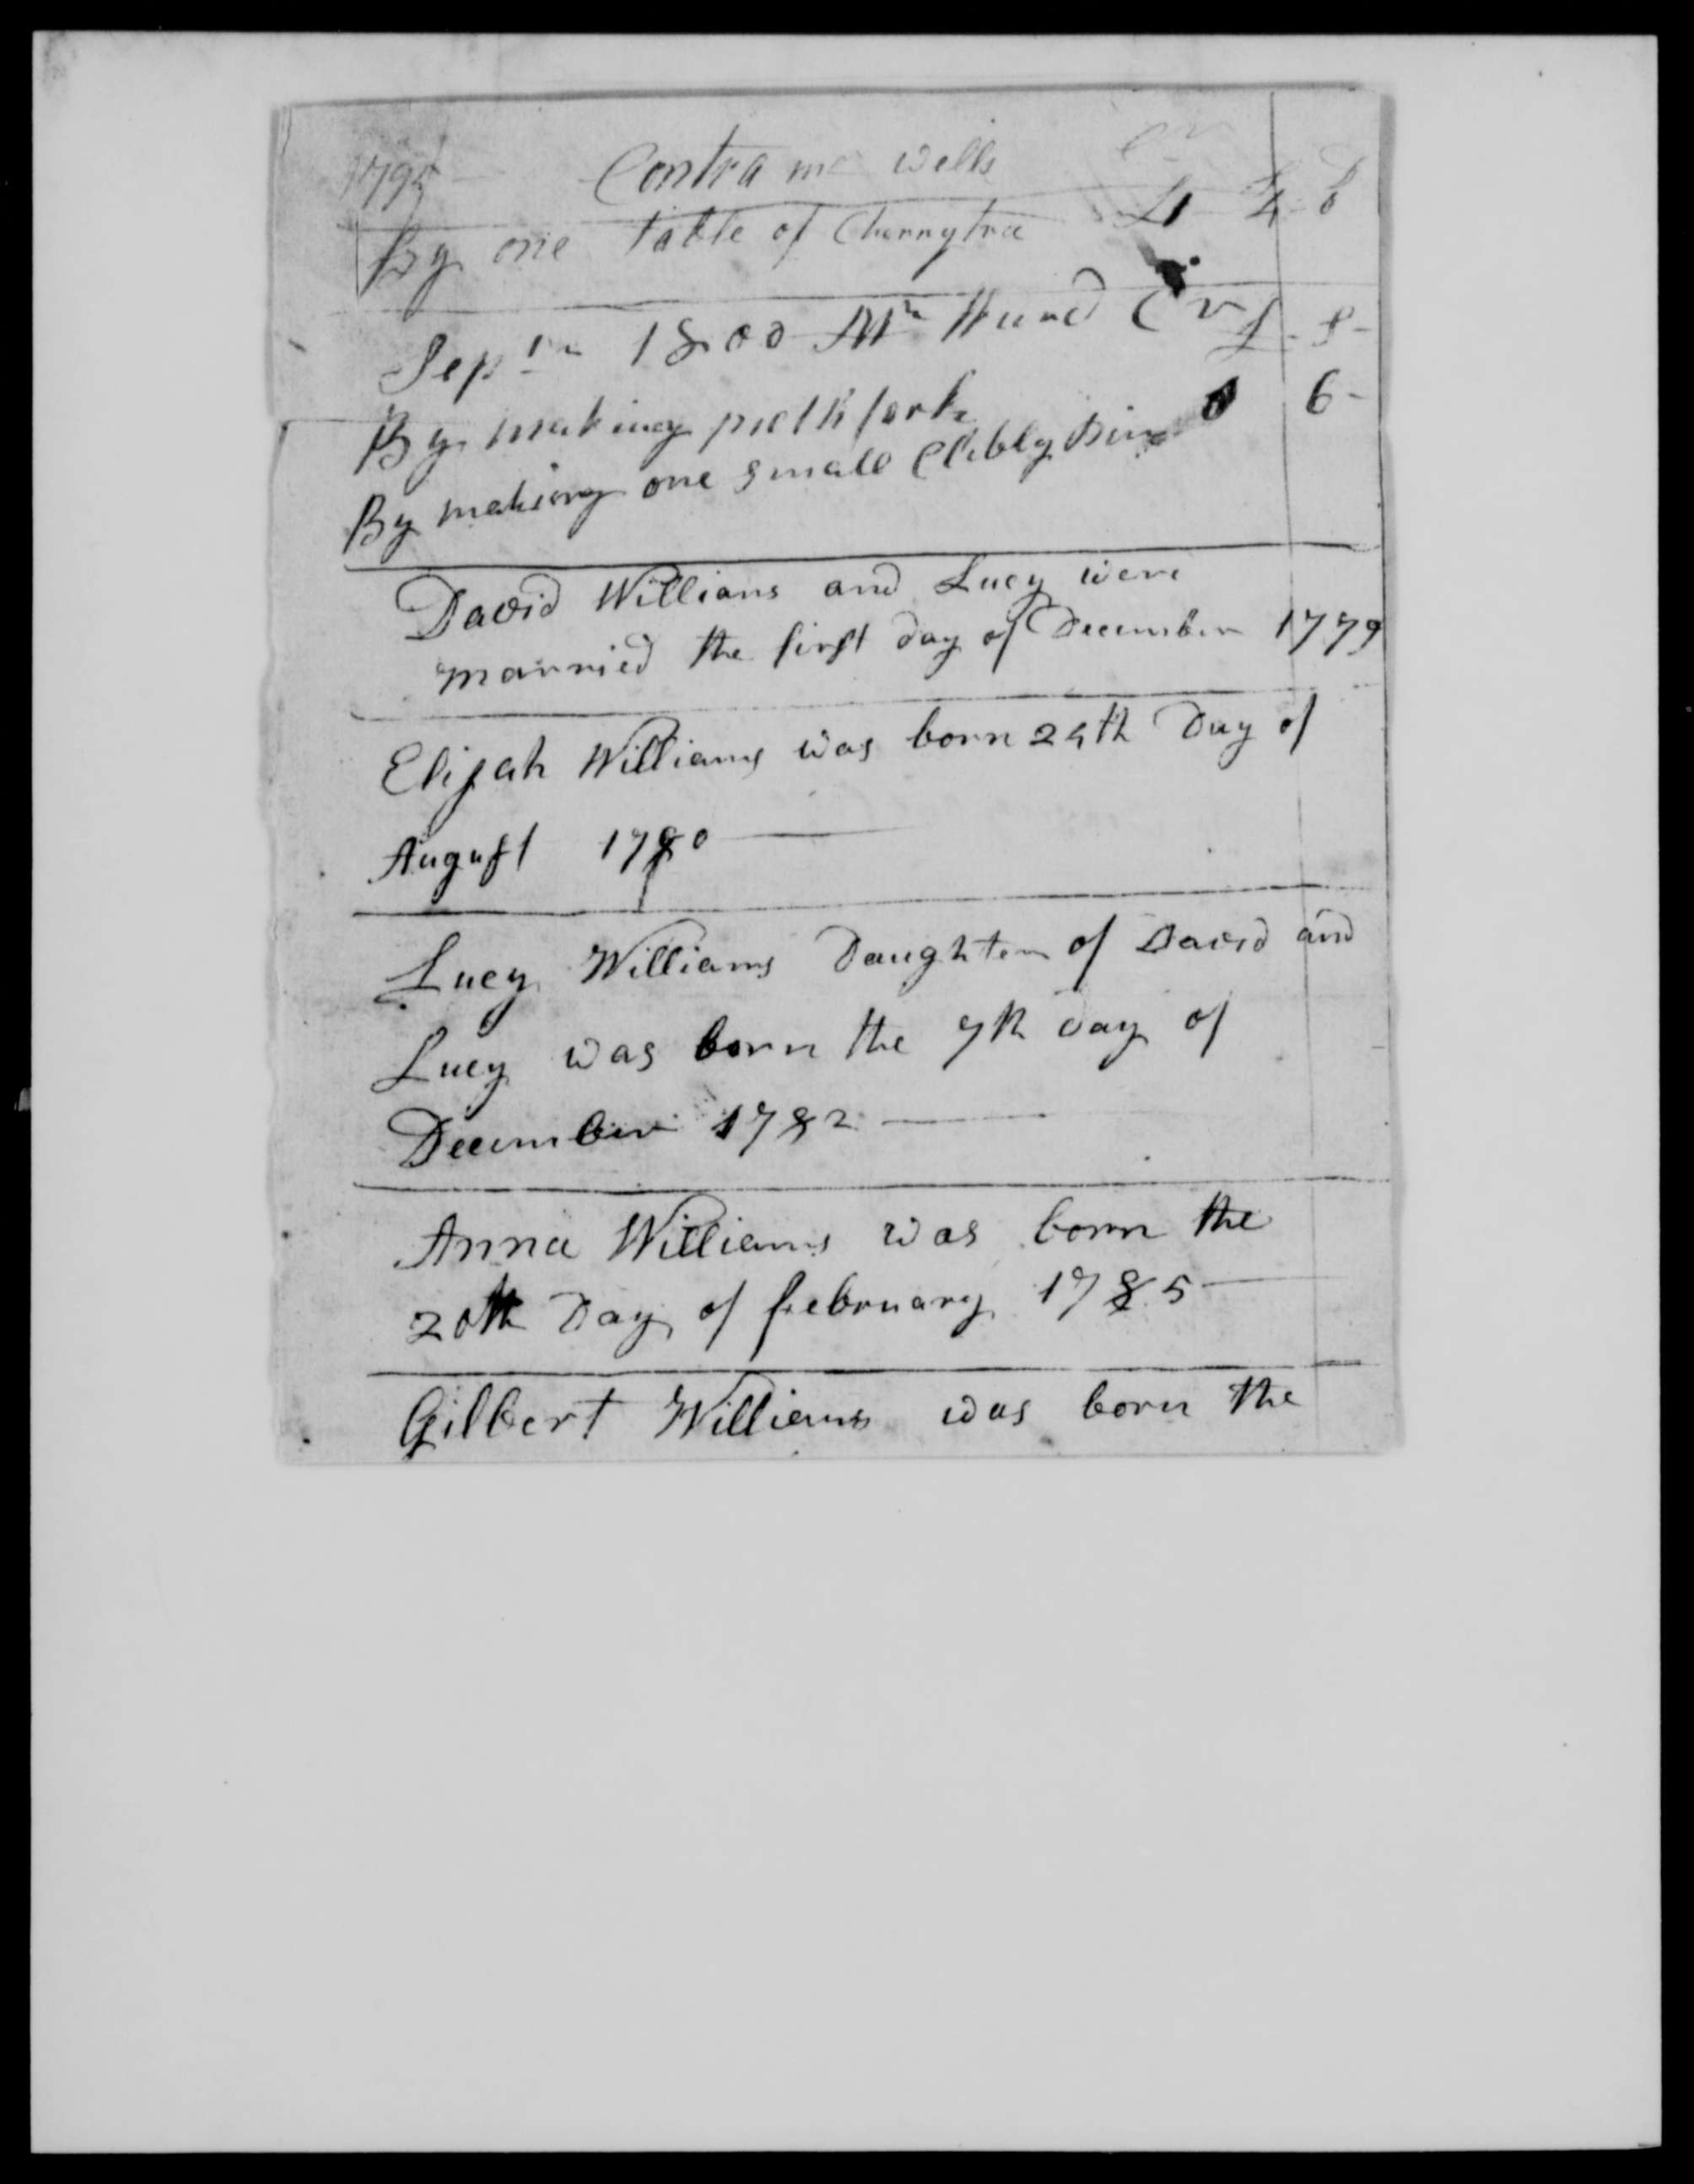1795  Contra me Wells
By one table of Cherrytree

Sep 1 1800 M Hurd 
By marking prothbook
By marking one small (illegible)

David Williams and Lucy were married the first day of December 1779

Elijah Williams was born 24th Day of August 1780

Lucy Williams Daughter of David and Lucy was born the 7th day of December 1782

Anna Williams was born the 20th day of February 1785

Gilbert Williams was born the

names: Elijah Williams, David Willians, Anna Williams, Gilbert Williams, Lucy Williams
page: 14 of 63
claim: widow's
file: W. 22,632, David Williams, Conn. Continental Privateer